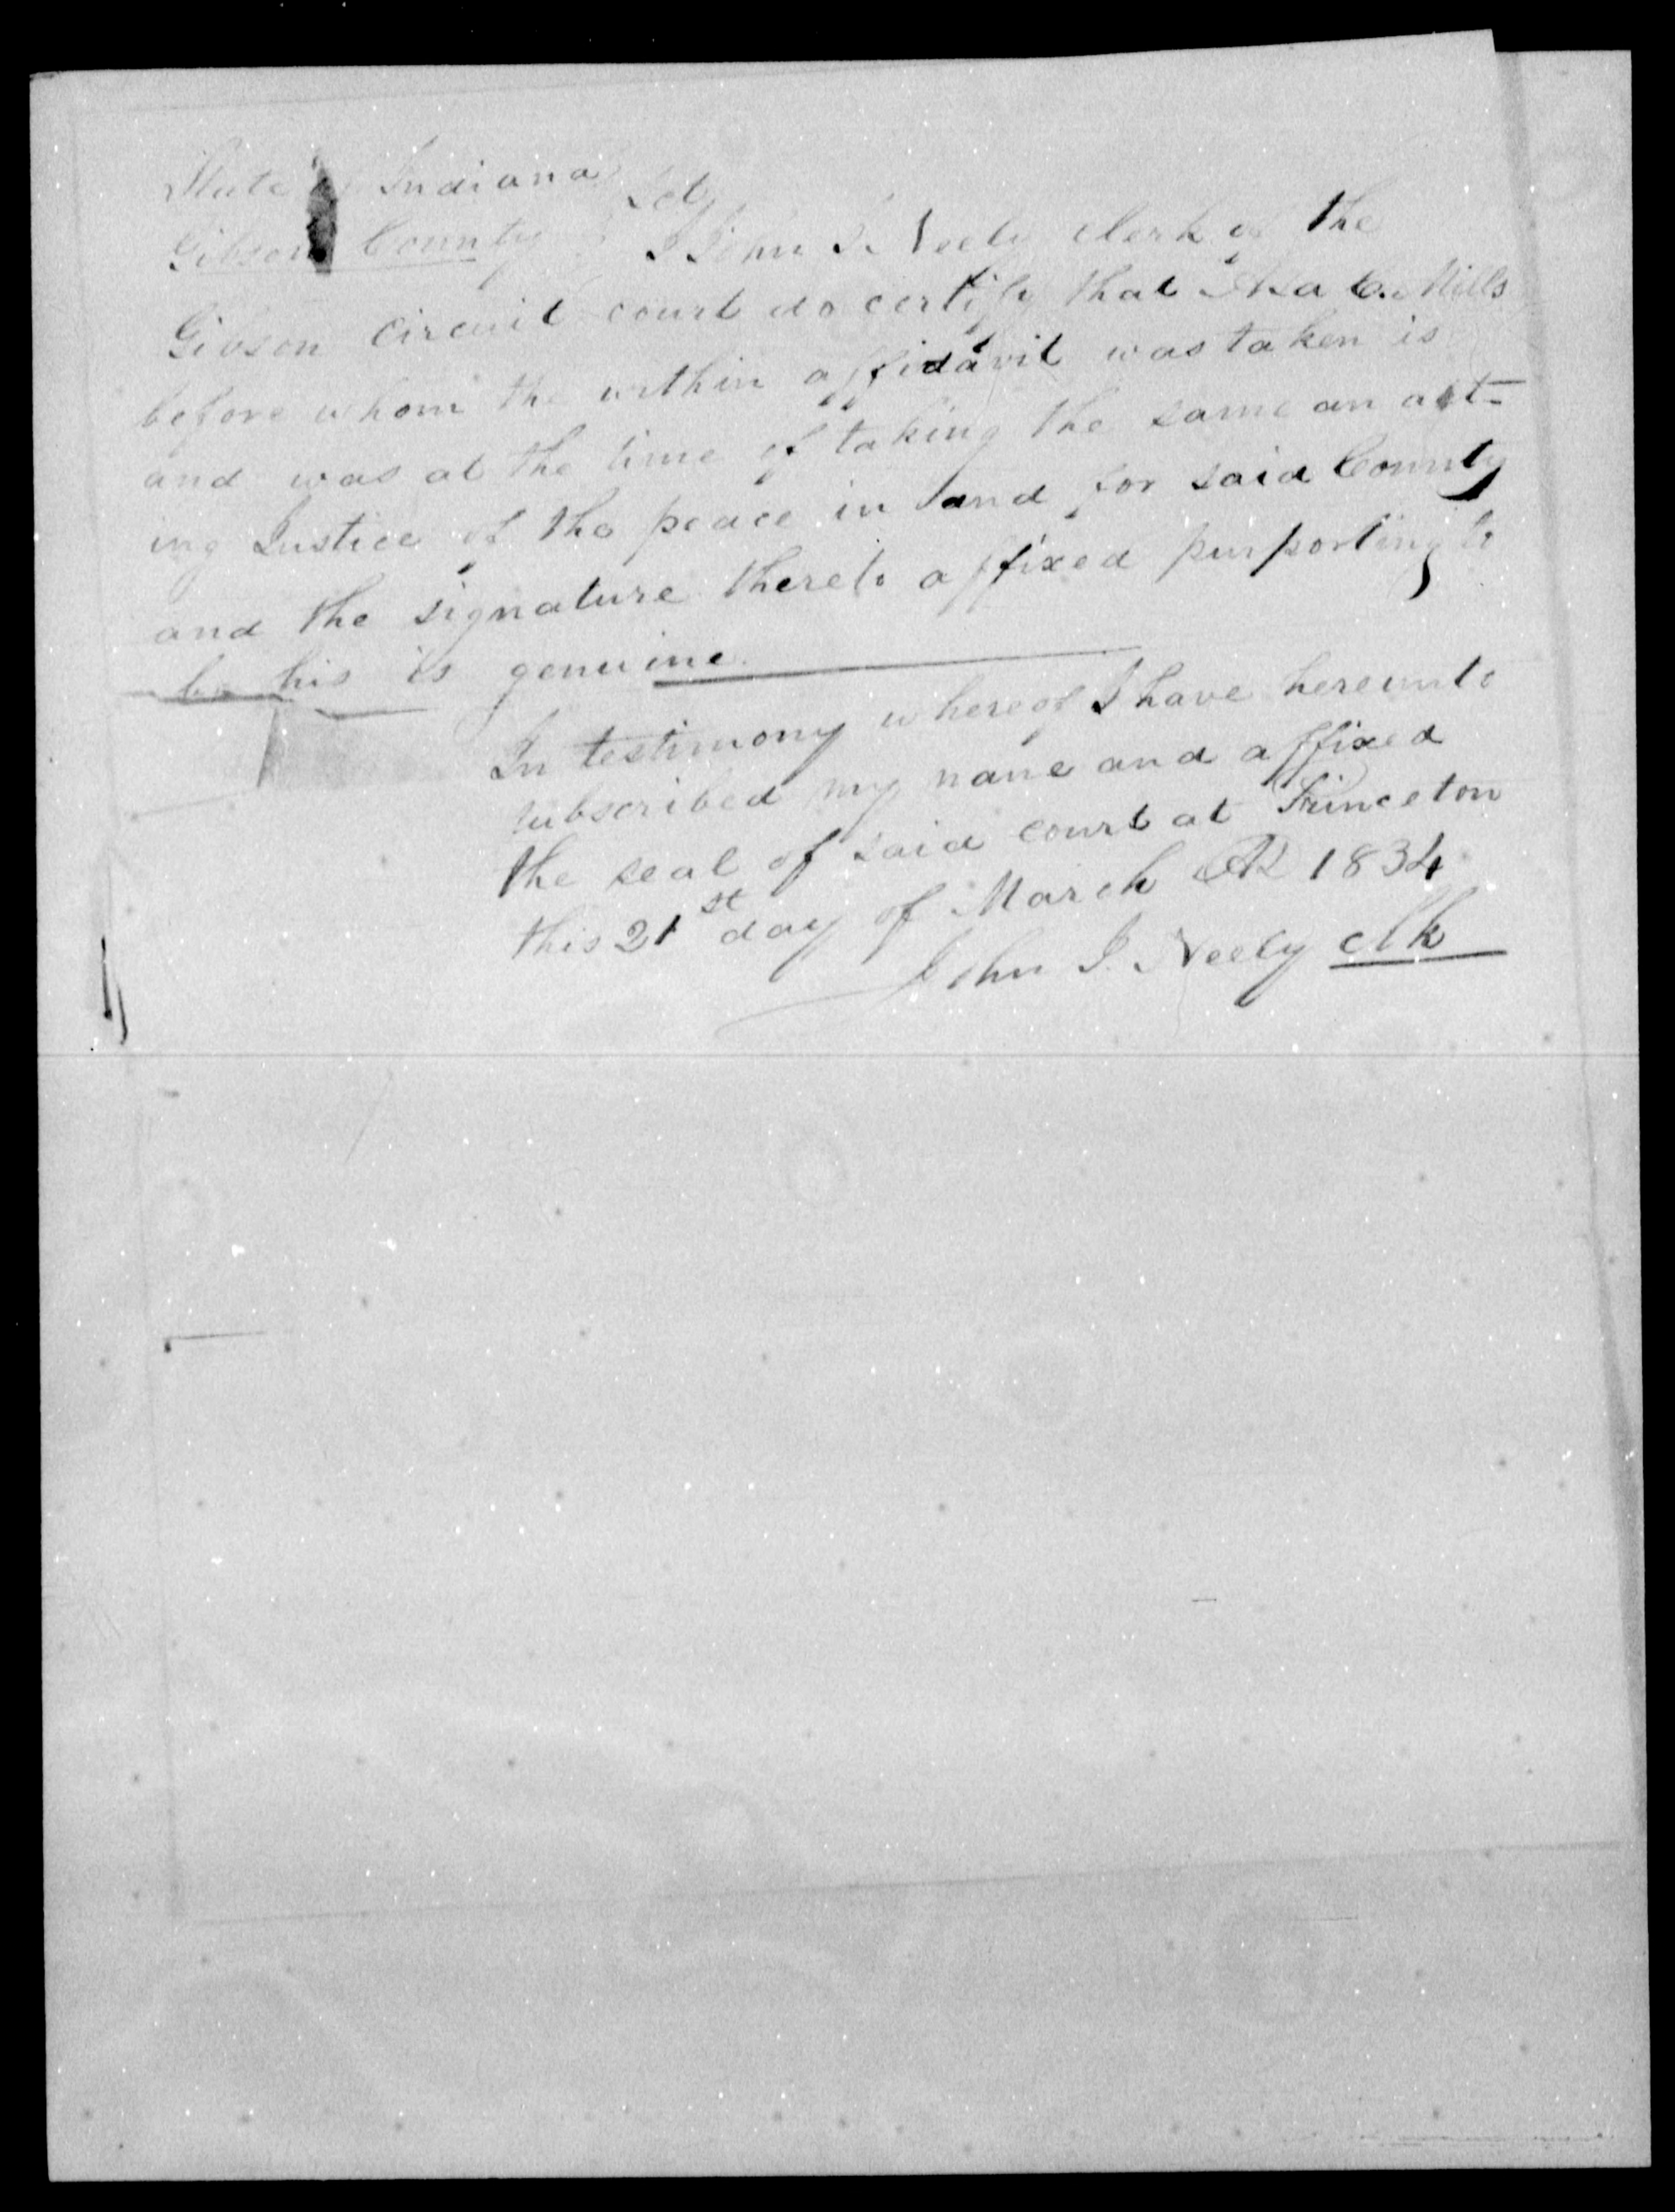State of Indiana
Gibson County Sct.
I John J Neely Clerk of the Gibson Circuit Court do certify that Asa C. Mills before whom the within affidavit was taken is and was at the time of taking the same an acting Justice of the Peace in and for said County and the signature thereto affixed purporting to be his is genuine
In testimony whereof I have hereunto subscribed my name and affixed the seal of said Court at Princeton this 21st day of March AD 1834
John J. Neely clk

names: John J Neely; John J Neely; Asa C Mills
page: 10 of 57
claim: widow's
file: W. 9,622, for Aaron Redman, Virginia